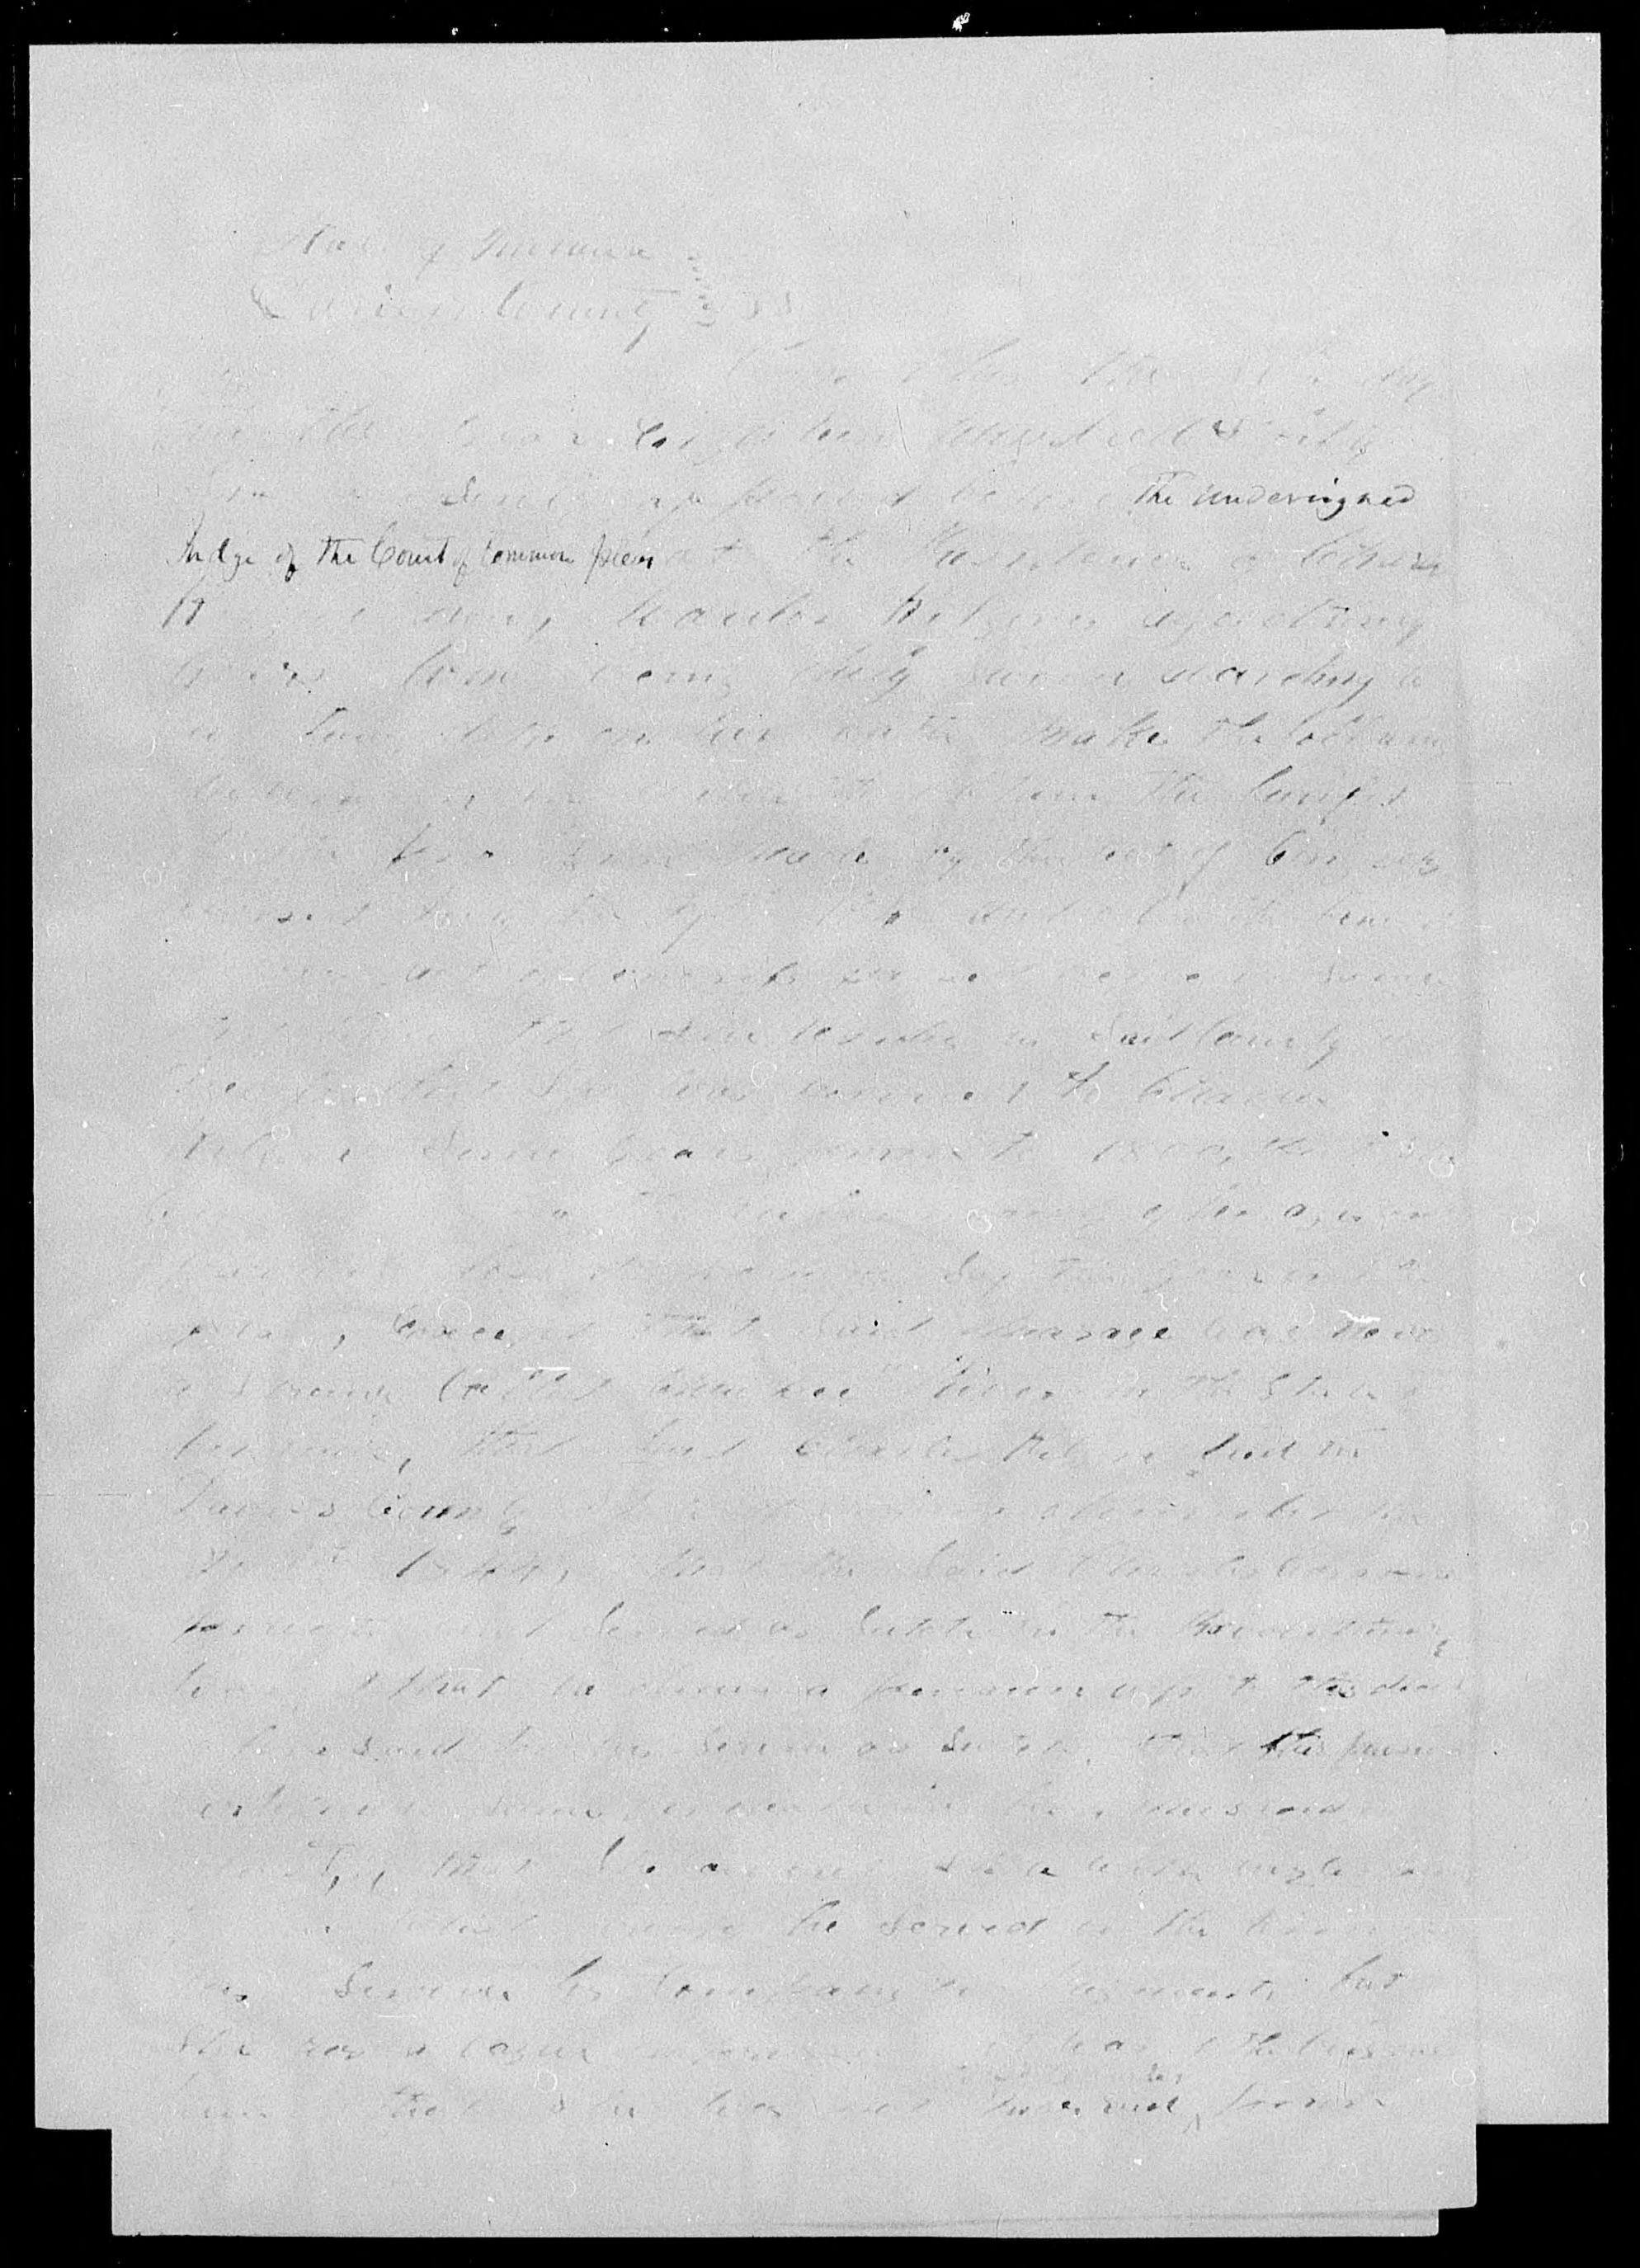State of Virginia}
 [illegible] County} ss.

[illegible] the [illegible] day
[illegible] the year [illegilbe] been [illegible] 
[illegible] appeared before the undersigned
Judge of the Court of Commons [illegible] at the [illegible] 
17 [illegible] day March before [illegible -ing]
[illegible]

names: Charles Kilgore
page: 89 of 115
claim: survivor's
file: S. 699, for Charles Kilgore, Virginia